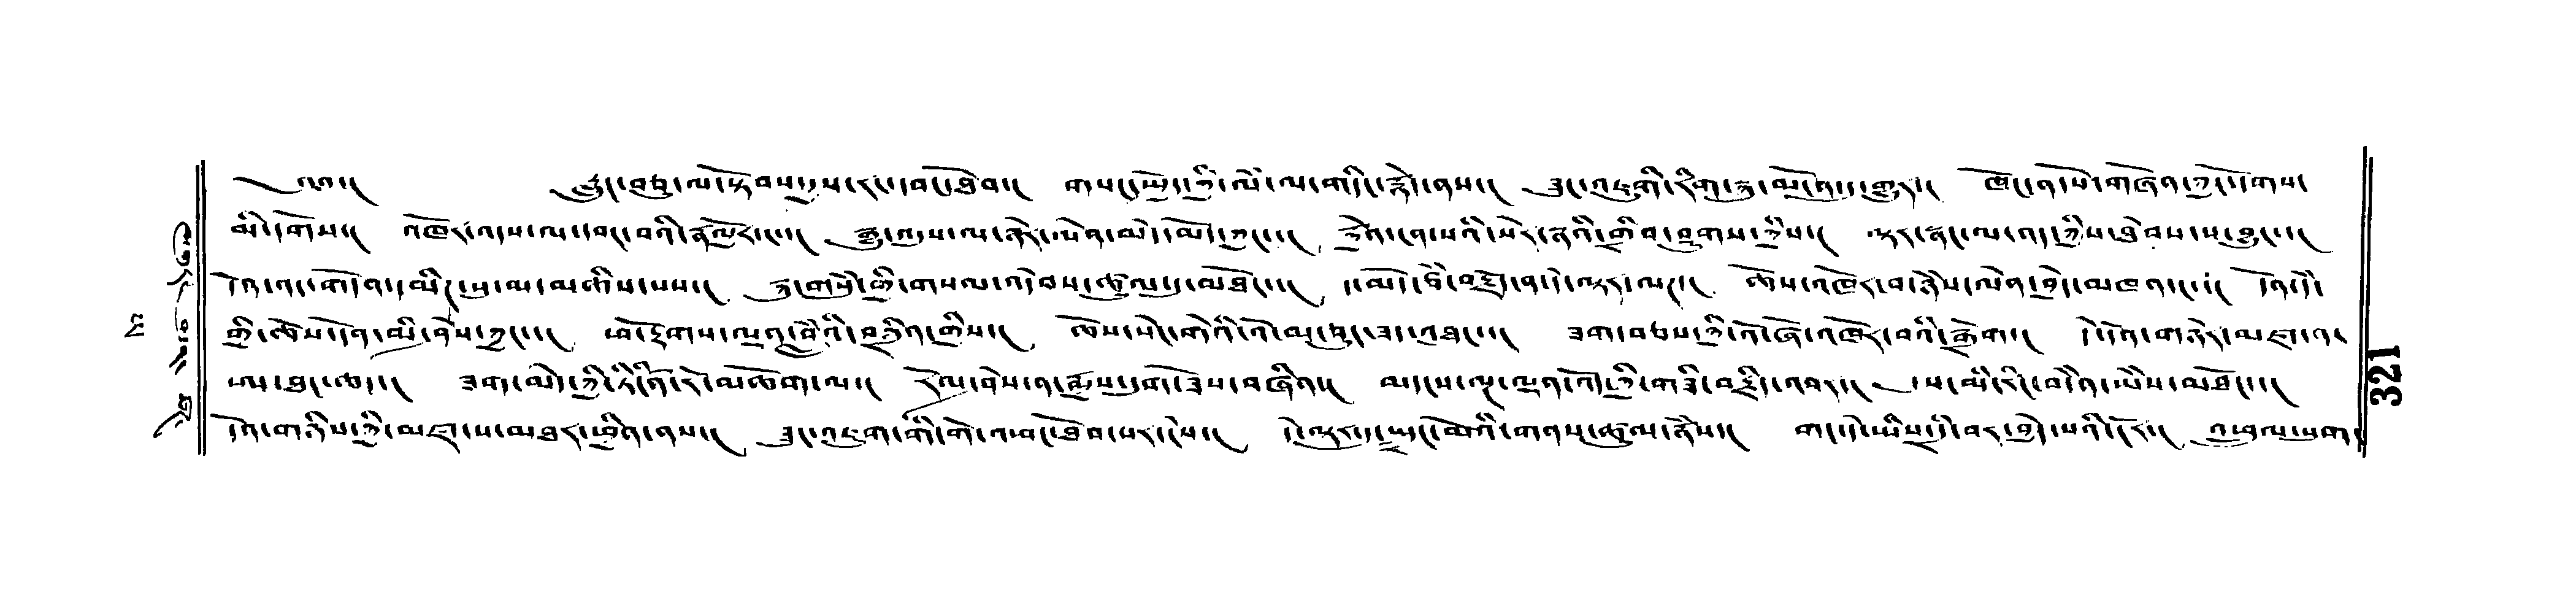།རླུང་བཅུ་ལ་སྟོབས་རྒྱས་རང་དབང་ཐོབ། །གསང་སྤྱོད་ཀྱི་ལམ་ལ་གདིང་རྙེད་ནས། །ཟུང་འཇུག་གི་རིག་སྐུ་མངོན་དུ་གྱུར། ཁོང་ན་སོ་གཞོན་ཀྱང་དོགས་
མི་དགོས། །འཁོར་འདས་ལ་དབང་བའི་རྣལ་འབྱོར་ང་། །སྒྱུ་ལུས་ལ་ཉེར་ལེན་མེད་མོད་ཀྱང་། །རྐྱེན་ངན་པའི་སེར་སྣའི་སྒྲིབ་ཤུགས་ཀྱིས། །ལྟར་སྣང་ལ་ནད་ཀྱིས་ཐེབས་པ་བྱུང་། །
དོན་ནད་གདོན་དམིགས་སུ་མ་མཆིས་པས། །སྐུ་གསུམ་གྱི་གསལ་འདེབས་ཚུལ་དུ་མཐོང་། །ད་མདོ་ཙམ་བརྗོད་ན་དེ་ལྟར་ལགས། །ཆོས་འཁོར་བ་ཉམས་ལེན་བྱེད་མཁན་ང་། །དོན་དམ་
གྱི་ཆོས་དོན་མི་ཤེས་ཀྱང་། །ཕ་རྟོགས་ལྡན་བླ་མའི་བཀའ་དྲིན་གྱིས། །ཆོས་སེང་གེའི་འོ་མ་ཅུང་ཟད་འཐུང་། །ཟག་བཅས་ཀྱི་འོ་ཞོ་འཁོར་བའི་སྒྲོག །དེ་དོན་གཉེར་མཛད་ན་
ཨ་ཐང་ཆད། །ཟག་མེད་ཀྱི་ཏིང་འཛིན་རོ་མཆོག་ལ། །རོལ་ཤེས་ན་རྨ་བྱས་དུག་ཟོས་བཞིན། །མདངས་ལྔ་ལྡན་འོད་ཀྱི་གཟི་བརྗིད་འབར། །དུས་མི་རིང་བདེ་ཆེན་ཡེ་ཤེས་མཐོང་། །
དོན་གཉིས་ཀྱི་མཛད་པ་མཐར་ཕྱིན་ནས། །ཟུང་འཇུག་གི་གོ་འཕང་ཐོབ་པར་ངེས། །དེ་ལྟར་དུ་སྤྲང་མོའི་གནས་ཚུལ་རྣམས། །གང་དེ་ཡིས་དྲི་བར་བྱེད་པའི་ངོར། །འཕྲུལ་སུག་